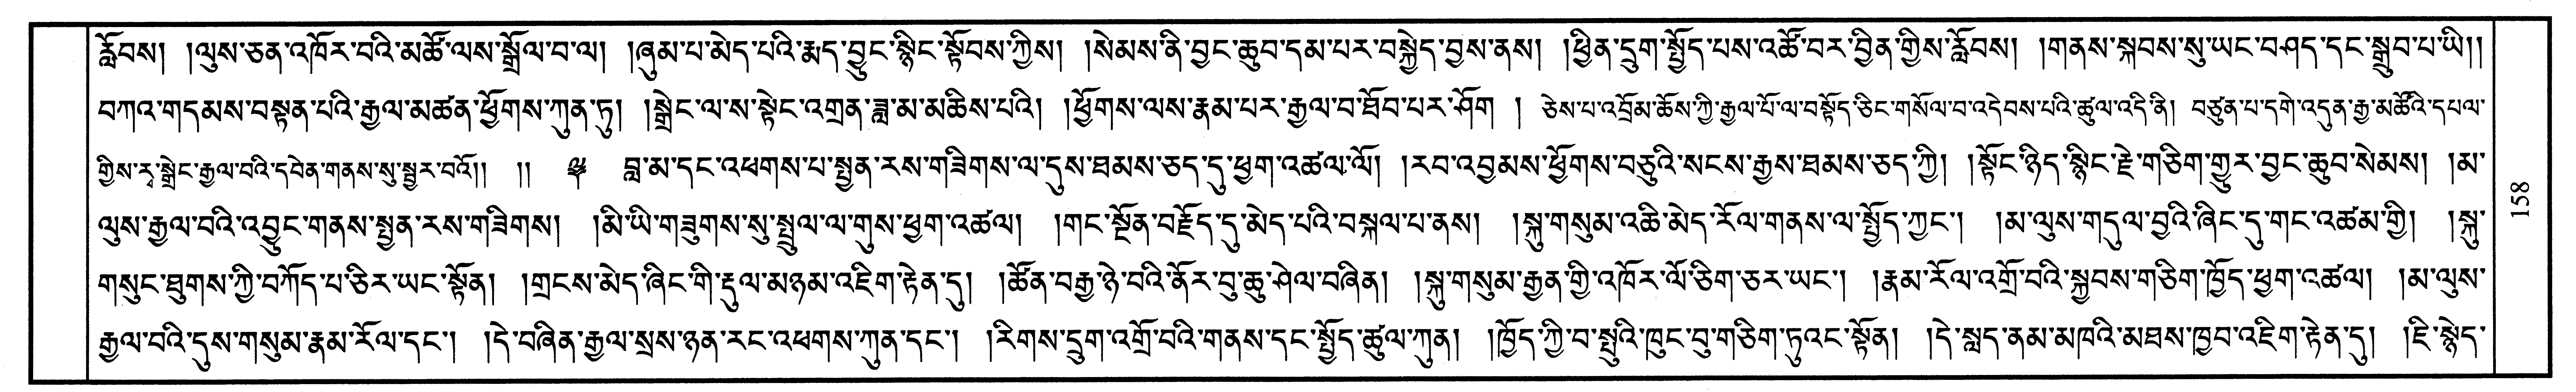རློབས། །ལུས་ཅན་འཁོར་བའི་མཚོ་ལས་སྒྲོལ་བ་ལ། །ཞུམ་པ་མེད་པའི་རྨད་བྱུང་སྙིང་སྟོབས་ཀྱིས། །སེམས་ནི་བྱང་ཆུབ་དམ་པར་བསྐྱེད་བྱས་ནས། །ཕྱིན་དྲུག་སྤྱོད་པས་འཚོ་བར་བྱིན་གྱིས་རློབས། །གནས་སྐབས་སུ་ཡང་བཤད་དང་སྒྲུབ་པ་ཡི།།
བཀའ་གདམས་བསྟན་པའི་རྒྱལ་མཚན་ཕྱོགས་ཀུན་ཏུ། །སྒྲེང་ལ་ས་སྟེང་འགྲན་ཟླ་མ་མཆིས་པའི། །ཕྱོགས་ལས་རྣམ་པར་རྒྱལ་བ་ཐོབ་པར་ཤོག །ཅེས་པ་འབྲོམ་ཆོས་ཀྱི་རྒྱལ་པོ་ལ་བསྟོད་ཅིང་གསོལ་བ་འདེབས་པའི་ཚུལ་འདི་ནི། བཙུན་པ་དགེ་འདུན་རྒྱ་མཚོའི་དཔལ་
གྱིས་རྭ་སྒྲེང་རྒྱལ་བའི་དབེན་གནས་སུ་སྦྱར་བའོ།། །།༈ བླ་མ་དང་འཕགས་པ་སྤྱན་རས་གཟིགས་ལ་དུས་ཐམས་ཅད་དུ་ཕྱག་འཚལ་ལོ། །རབ་འབྱམས་ཕྱོགས་བཅུའི་སངས་རྒྱས་ཐམས་ཅད་ཀྱི། །སྟོང་ཉིད་སྙིང་རྗེ་གཅིག་གྱུར་བྱང་ཆུབ་སེམས། །མ་
ལུས་རྒྱལ་བའི་འབྱུང་གནས་སྤྱན་རས་གཟིགས། །མི་ཡི་གཟུགས་སུ་སྤྲུལ་ལ་གུས་ཕྱག་འཚལ། །གང་སྔོན་བརྗོད་དུ་མེད་པའི་བསྐལ་པ་ནས། །སྐུ་གསུམ་འཆི་མེད་རོལ་གནས་ལ་སྤྱོད་ཀྱང་། །མ་ལུས་གདུལ་བྱའི་ཞིང་དུ་གང་འཚམ་གྱི། །སྐུ་
གསུང་ཐུགས་ཀྱི་བཀོད་པ་ཅིར་ཡང་སྟོན། །གྲངས་མེད་ཞིང་གི་རྡུལ་མཉམ་འཇིག་རྟེན་དུ། །ཚོན་བརྒྱ་ཉེ་བའི་ནོར་བུ་ཆུ་ཤེལ་བཞིན། །སྐུ་གསུམ་རྒྱན་གྱི་འཁོར་ལོ་ཅིག་ཅར་ཡང་། །རྣམ་རོལ་འགྲོ་བའི་སྐྱབས་གཅིག་ཁྱོད་ཕྱག་འཚལ། །མ་ལུས་
རྒྱལ་བའི་དུས་གསུམ་རྣམ་རོལ་དང་། །དེ་བཞིན་རྒྱལ་སྲས་ཉན་རང་འཕགས་ཀུན་དང་། །རིགས་དྲུག་འགྲོ་བའི་གནས་དང་སྤྱོད་ཚུལ་ཀུན། །ཁྱོད་ཀྱི་བ་སྤུའི་ཁུང་བུ་གཅིག་ཏུའང་སྟོན། །དེ་སླད་ནམ་མཁའི་མཐས་ཁྱབ་འཇིག་རྟེན་དུ། །ཇི་སྙེད་